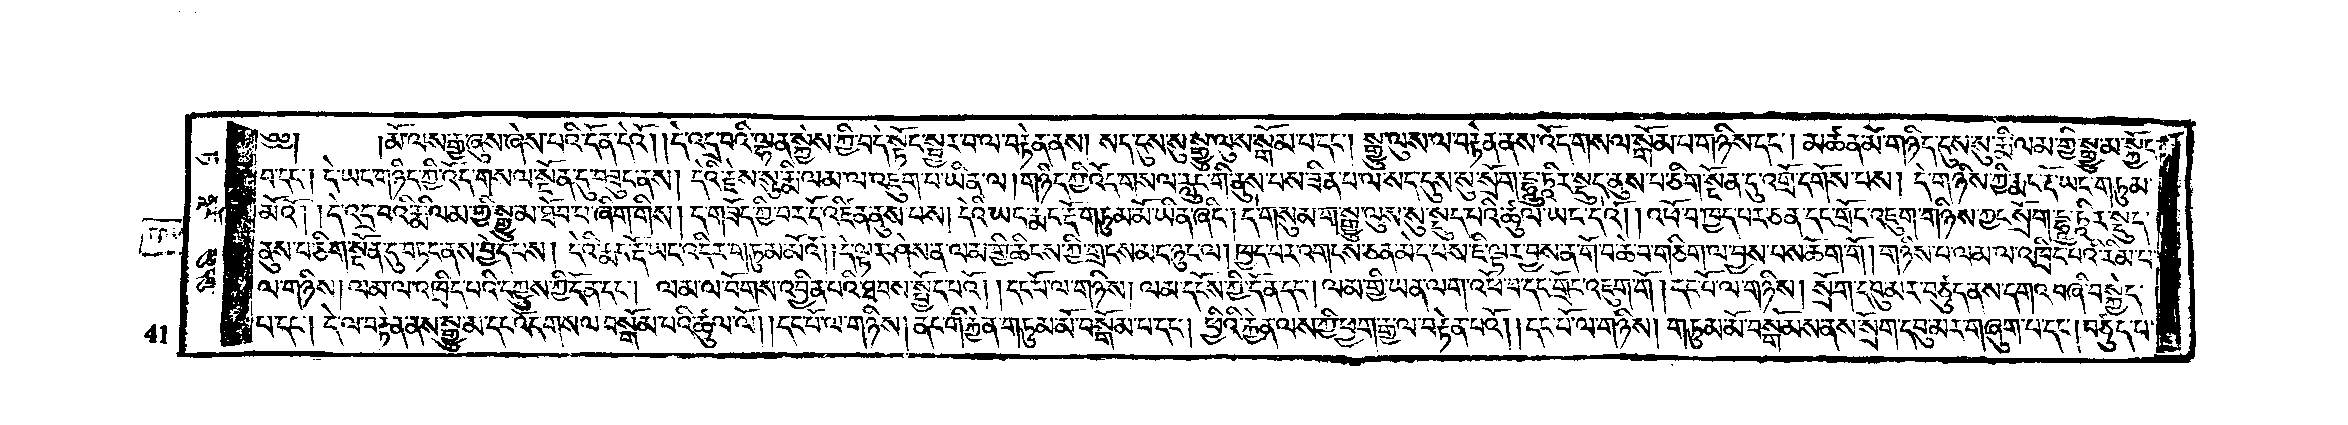༄༅། །མོ་ལས་རྒྱ་ཞུས་ཞེས་པའི་དོན་དེའོ། །དེ་འདྲ་བའི་ལྷན་སྐྱེས་ཀྱི་བདེ་སྟོང་སྦྱར་བ་ལ་བརྟེན་ནས། སད་དུས་སུ་སྒྱུ་ལུས་སྒོམ་པ་དང་། སྒྱུ་ལུས་ལ་བརྟེན་ནས་འོད་གསལ་སྒོམ་པ་གཉིས་དང་། མཚན་མོ་གཉིད་དུས་སུ་རྨི་ལམ་གྱི་སྒྱུ་མ་སྐྱོང་
བ་དང་། དེ་ཡང་གཉིད་ཀྱི་འོད་གསལ་སྔོན་དུ་བཟུང་ནས། དེའི་རྗེས་སུ་རྨི་ལམ་ལ་འཇུག་པ་ཡིན་ལ། གཉིད་ཀྱི་འོད་གསལ་རླུང་གི་ནུས་པས་ཟིན་པ་ལ་སད་དུས་སུ་སྲོག་དྷཱུ་ཏཱིར་སྡུད་ནུས་པ་ཅིག་སྔོན་དུ་འགྲོ་དགོས་པས། དེ་གཉིས་ཀྱི་རྨང་རྡོ་ཡང་གཏུམ་
མོའོ། །དེ་འདྲ་བའི་རྨི་ལམ་གྱི་སྒྱུ་མ་ཐོབ་པ་ཞིག་གིས། ད་གཟོད་ཀྱི་བར་དོ་འཛིན་ནུས་པས། དེའི་ཡང་རྨང་རྡོ་གཏུམ་མོ་ཡིན་ཞིང་། དེ་གསུམ་ག་སྒྱུ་ལུས་སུ་སྡུད་པའི་ཚུལ་ཡང་དེའོ། །འཕོ་བ་ཁྱད་པར་ཅན་དང་གྲོང་འཇུག་གཉིས་ཀྱང་སྲོག་དྷཱུ་ཏཱིར་སྡུད་
ནུས་པ་ཅིག་སྔོན་དུ་བཏང་ནས་བྱེད་པས། དེའི་རྨང་རྡོ་ཡང་འདིར་གཏུམ་མོའོ། །དེ་ལྟར་ཤེས་ན་ལམ་གྱི་ཆིངས་ཀྱི་གྲངས་མང་ཉུང་ལ། ཁྱད་པར་འགངས་ཅན་མེད་པས་ཇི་ལྟར་བྱས་ན་གོ་བ་ཆེ་བ་གཅིག་ལ་བྱས་པས་ཆོག་གོ །གཉིས་པ་ལམ་ལ་འཁྲིད་པའི་རིམ་པ་
ལ་གཉིས། ལམ་ལ་འཁྲིད་པའི་དཀྱུས་ཀྱི་དོན་དང་། ལམ་ལ་བོགས་འབྱིན་པའི་ཐབས་སྤྱོད་པའོ། །དང་པོ་ལ་གཉིས། ལམ་དངོས་ཀྱི་དོན་དང་། ལམ་གྱི་ཡན་ལག་འཕོ་བ་དང་གྲོང་འཇུག་གོ །དང་པོ་ལ་གཉིས། སྲོག་དབུ་མར་བཙུད་ནས་དགའ་བཞི་བསྐྱེད་
པ་དང་། དེ་ལ་བརྟེན་ནས་སྒྱུ་མ་དང་འོད་གསལ་བསྒོམ་པའི་ཚུལ་ལོ། །དང་པོ་ལ་གཉིས། ནང་གི་རྐྱེན་གཏུམ་མོ་བསྒོམ་པ་དང་། ཕྱིའི་རྐྱེན་ལས་ཀྱི་ཕྱག་རྒྱ་ལ་བརྟེན་པའོ། །དང་པོ་ལ་གཉིས། གཏུམ་མོ་བསྒོམས་ནས་སྲོག་དབུ་མར་གཞུག་པ་དང་། བཙུད་པ་